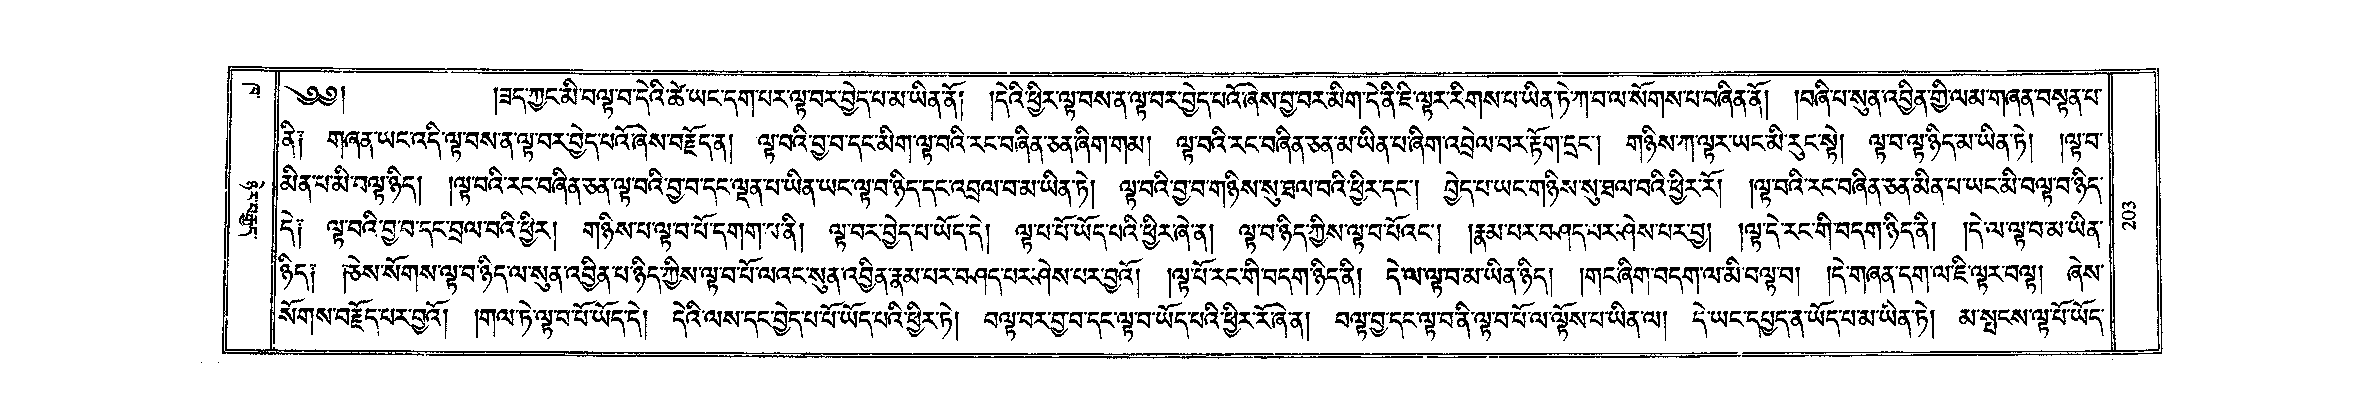༄༅། །ཟད་ཀྱང་མི་བལྟ་བ་དེའི་ཚེ་ཡང་དག་པར་ལྟ་བར་བྱེད་པ་མ་ཡིན་ནོ། །དེའི་ཕྱིར་ལྟ་བས་ན་ལྟ་བར་བྱེད་པའོ་ཞེས་བྱ་བར་མིག་དེ་ནི་ཇི་ལྟར་རིགས་པ་ཡིན་ཏེ་ཀ་བ་ལ་སོགས་པ་བཞིན་ནོ། །བཞི་པ་སུན་འབྱིན་གྱི་ལམ་གཞན་བསྟན་པ་
ནི༑ གཞན་ཡང་འདི་ལྟ་བས་ན་ལྟ་བར་བྱེད་པའོ་ཞེས་བརྗོད་ན། ལྟ་བའི་བྱ་བ་དང་མིག་ལྟ་བའི་རང་བཞིན་ཅན་ཞིག་གམ། ལྟ་བའི་རང་བཞིན་ཅན་མ་ཡིན་པ་ཞིག་འབྲེལ་བར་རྟོག་དྲང་། གཉིས་ཀ་ལྟར་ཡང་མི་རུང་སྟེ། ལྟ་བ་ལྟ་ཉིད་མ་ཡིན་ཏེ། །ལྟ་བ་
མིན་པ་མི་བལྟ་ཉིད། །ལྟ་བའི་རང་བཞིན་ཅན་ལྟ་བའི་བྱ་བ་དང་ལྡན་པ་ཡིན་ཡང་ལྟ་བ་ཉིད་དང་འབྲལ་བ་མ་ཡིན་ཏེ། ལྟ་བའི་བྱ་བ་གཉིས་སུ་ཐལ་བའི་ཕྱིར་དང་། བྱེད་པ་ཡང་གཉིས་སུ་ཐལ་བའི་ཕྱིར་རོ། །ལྟ་བའི་རང་བཞིན་ཅན་མིན་པ་ཡང་མི་བལྟ་བ་ཉིད་
དེ༑ ལྟ་བའི་བྱ་བ་དང་བྲལ་བའི་ཕྱིར། གཉིས་པ་ལྟ་བ་པོ་དགག་པ་ནི། ལྟ་བར་བྱེད་པ་ཡོད་དེ། ལྟ་པ་པོ་ཡོད་པའི་ཕྱིར་ཞེ་ན། ལྟ་བ་ཉིད་ཀྱིས་ལྟ་བ་པོའང་། །རྣམ་པར་བཤད་པར་ཤེས་པར་བྱ། །ལྟ་དེ་རང་གི་བདག་ཉིད་ནི། །དེ་ལ་ལྟ་བ་མ་ཡིན་
ཉིད༑ །ཅེས་སོགས་ལྟ་བ་ཉིད་ལ་སུན་འབྱིན་པ་ཉིད་ཀྱིས་ལྟ་བ་པོ་ལའང་སུན་འབྱིན་རྣམ་པར་བཤད་པར་ཤེས་པར་བྱའོ། །ལྟ་པོ་རང་གི་བདག་ཉིད་ནི། དེ་ལ་ལྟ་བ་མ་ཡིན་ཉིད། །གང་ཞིག་བདག་ལ་མི་བལྟ་བ། །དེ་གཞན་དག་ལ་ཇི་ལྟར་བལྟ། ཞེས་
སོགས་བརྗོད་པར་བྱའོ། །གལ་ཏེ་ལྟ་བ་པོ་ཡོད་དེ། དེའི་ལས་དང་བྱེད་པ་པོ་ཡོད་པའི་ཕྱིར་ཏེ། བལྟ་བར་བྱ་བ་དང་ལྟ་བ་ཡོད་པའི་ཕྱིར་རོ་ཞེ་ན། བལྟ་བྱ་དང་ལྟ་བ་ནི་ལྟ་བ་པོ་ལ་ལྟོས་པ་ཡིན་ལ། དེ་ཡང་དཔྱད་ན་ཡོད་པ་མ་ཡིན་ཏེ། མ་སྤངས་ལྟ་པོ་ཡོད་